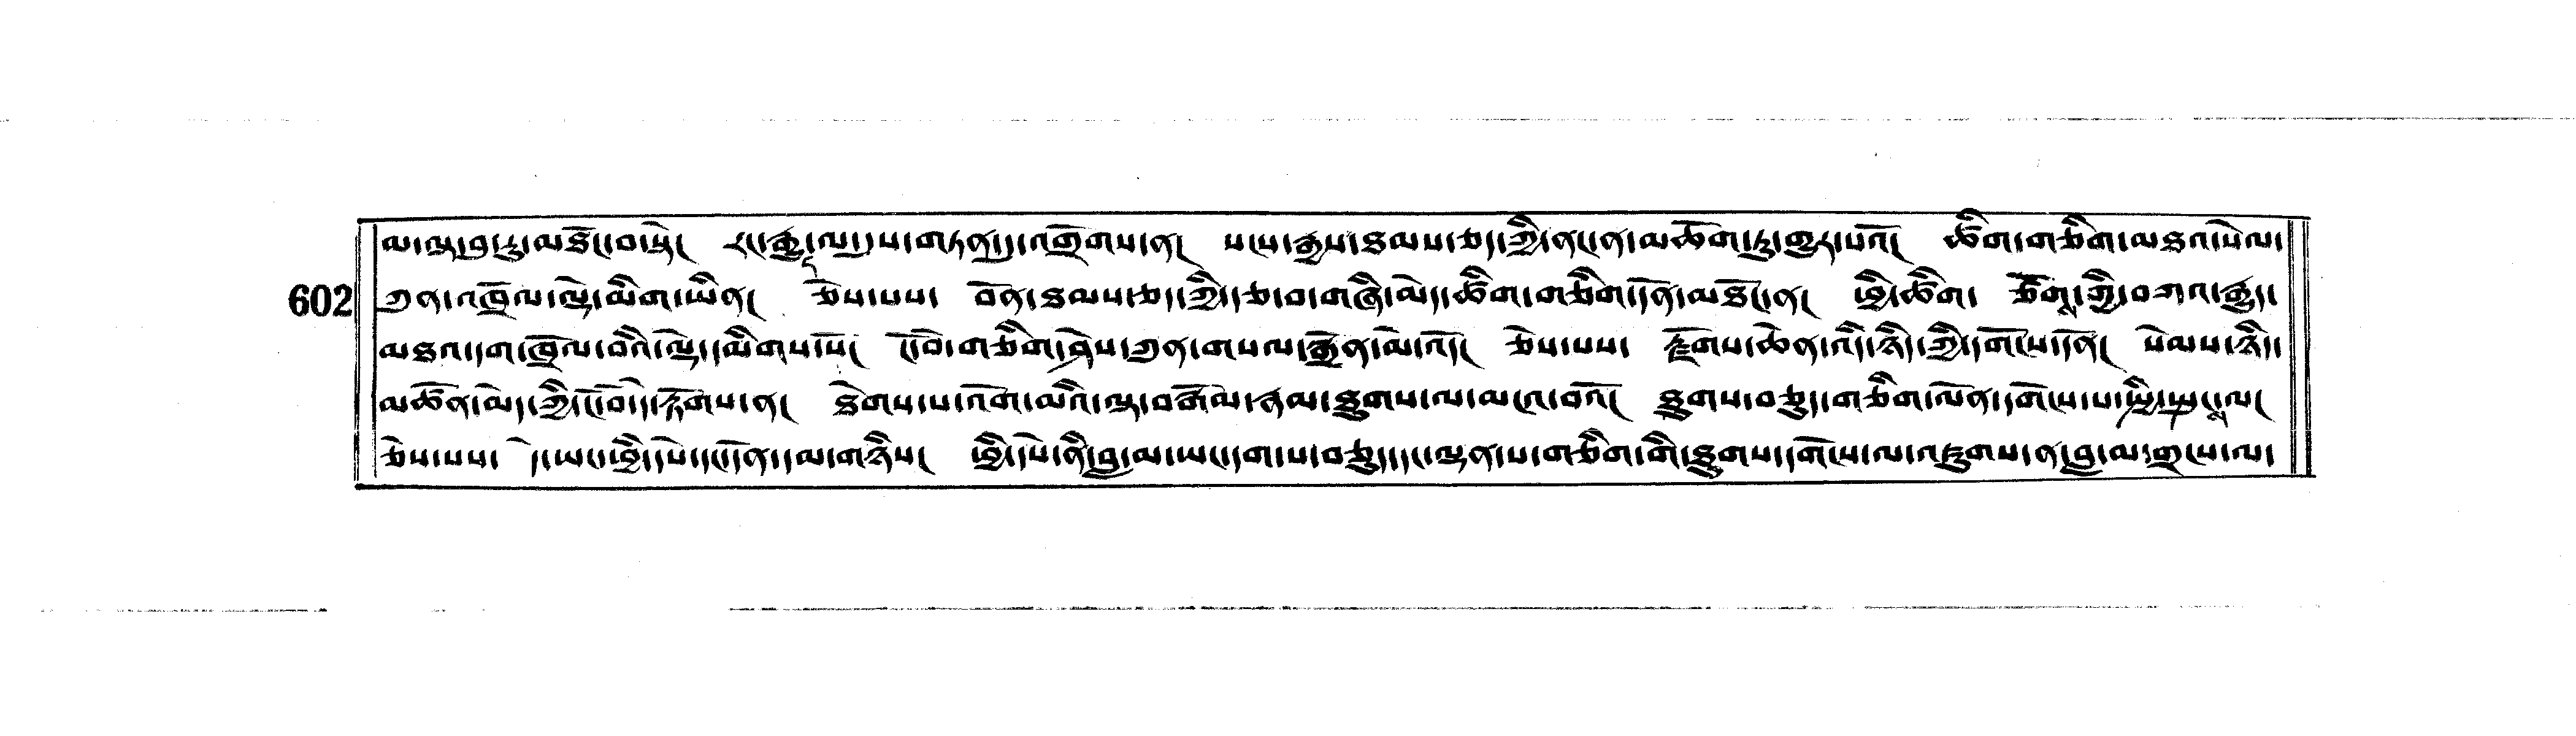མ་ལྟ་བུ་རུ་མཐོང་སྟེ། རང་རྒྱུད་ལ་དུས་གཏན་དུ་འགྲོགས་ན། སངས་རྒྱས་ཐམས་ཅད་ཀྱི་ནང་ནས་མཆོག་ཏུ་གྱུར་པའོ། ཚིག་གཅིག་མཐའ་སེལ་
ཀུན་འཁྲོལ་ལྡེ་མིག་ཡིན། ཅེས་པས། བོན་ཐམས་ཅད་ཀྱི་རྩ་བ་གཞི་མེད་ཚིག་གཅིག་དོན་མཐོང་ན། ཕྱི་ཚིག་ཙོགས་ཀྱི་བཀའ་བརྒྱུད་
མཐའ་དག་ཁྲོལ་བའི་ལྡེ་མིག་གོ ངོ་བོ་གཅིག་ཤེས་ཀུན་གསལ་སྒྲོན་མེ་འོད། ཅེས་པས། རྫོགས་ཆེན་འདི་ཉིད་ཀྱི་དགོངས་དོན། སེམས་ཉིད་
མཚོན་མེད་ཀྱི་ངོ་བོ་དེ་རྟོགས་ན། ཐེག་པ་འོག་མའི་ལྟ་སྒོམ་རྣམས་ཐུགས་ལ་མངའ་བའོ། ཐུགས་བཅུད་གཅིག་ལོན་དགོངས་པ་སྤྱི་སྤུངས་ལ། 
ཅེས་པས། དེ་ཡང་པྱི་དཔེ་དང་དོན་དམ་གཉིས། ཕྱི་དཔེ་ནི་བླ་མ་ཡང་དག་པ་བཅུད་དང་ལྡན་པ་གཅིག་གི་ཐུགས་དགོངས་ལ་འཇུག་ན་བླ་མ་གྲངས་ལས་